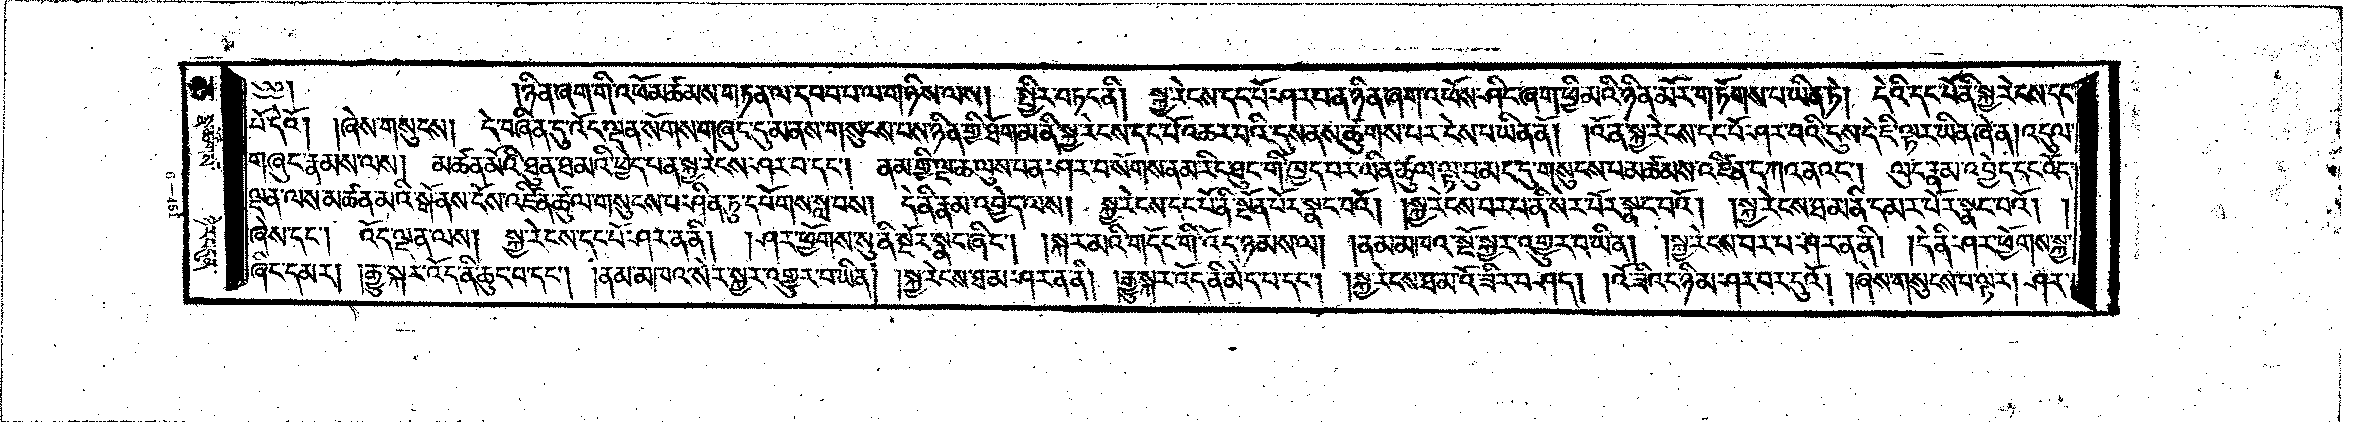༄༅། །ཉིན་ཞག་གི་འཕོ་མཚམས་གཏན་ལ་དབབ་པ་ལ་གཉིས་ལས། སྤྱིར་བཏང་ནི། སྐྱེ་རེངས་དང་པོ་ཤར་བ་ན་ཉིན་ཞག་འཕོས་ཤིང་ཞག་ཕྱི་མའི་ཉིན་མོར་གཏོགས་པ་ཡིན་ཏེ། དེའི་དང་པོ་ནི་སྐྱ་རེངས་དང་
པོ་དེའོ། །ཞེས་གསུངས། དེ་བཞིན་དུ་འོང་ལྡན་སོགས་གཞུང་དུ་མ་ནས་གསུངས་པས་ཉིན་གྱི་ཐོག་མ་ནི་སྐྱ་རེངས་དང་པོ་འཆར་བའི་དུས་ནས་ཚུགས་པར་ངེས་པ་ཡིན་ནོ། །འོ་ན་སྐྱ་རེངས་དང་པོ་ཤར་བའི་དུས་དེ་ཇི་ལྟར་ཡིན་ཞེ་ན། འདུལ་
གཞུང་རྣམས་ལས། མཚན་མོའི་ཐུན་ཐ་མའི་ཕྱེད་པ་ན་སྐྱ་རེངས་ཤར་བ་དང་། ནམ་གྱི་ལྔ་ཆ་ལུས་པན་ཤར་བ་སོགས་ནམ་རིང་ཐུང་གི་ཁྱད་བར་ཡིན་ཚུལ་ལྟ་བུ་མང་དུ་གསུངས་པ་མཚམས་འཛིན་དཀའ་ནའང་། ལུང་རྣམ་འབྱེད་དང་འོད་
ལྡན་ལས་མཚན་མའི་སྒོ་ནས་ངོས་འཛིན་ཚུལ་གསུངས་པ་ཤིན་ཏུ་དཔོགས་སླ་བས། དེ་ནི་རྣམ་འབྱེད་ལས། སྐྱ་རེངས་དང་པོ་ནི་སྔོན་པོར་སྣང་བའོ། །སྐྱ་རེངས་བར་པ་ནི་སེར་པོར་སྣང་བའོ། །སྐྱ་རེངས་ཐ་མ་ནི་དམར་པོར་སྣང་བའོ། །
ཞེས་དང་། འོད་ལྡན་ལས། སྐྱ་རེངས་དང་པོ་ཤར་ན་ནི། །ཤར་ཕྱོགས་སུ་ནི་སྔོར་སྣང་ཞིང་། །སྐར་མའི་གདོང་གི་འོད་ཉམས་ལ། །ནམ་མཁའ་སྔོ་སྐྱར་འགྱུར་བ་ཡིན། །སྐྱ་རེངས་བར་པ་ཤར་ན་ནི། །དེ་ནི་ཤར་ཕྱོགས་སྐྱ་
ཞིང་དམར། །རྒྱུ་སྐར་འོད་ནི་ཆུང་བ་དང་། །ནམ་མཁའ་སེར་སྐྱར་འགྱུར་བ་ཡིན། །སྐྱ་རེངས་ཐ་མ་ཤར་ན་ནི། །རྒྱུ་སྐར་འོད་ནི་མེད་པ་དང་། །སྐྱ་རེངས་ཐ་མ་འོ་ཟིར་བཤད། །འོ་ཟིའང་ཉི་མ་ཤར་བར་དུའོ། །ཞེས་གསུངས་པ་ལྟར། ཤར་